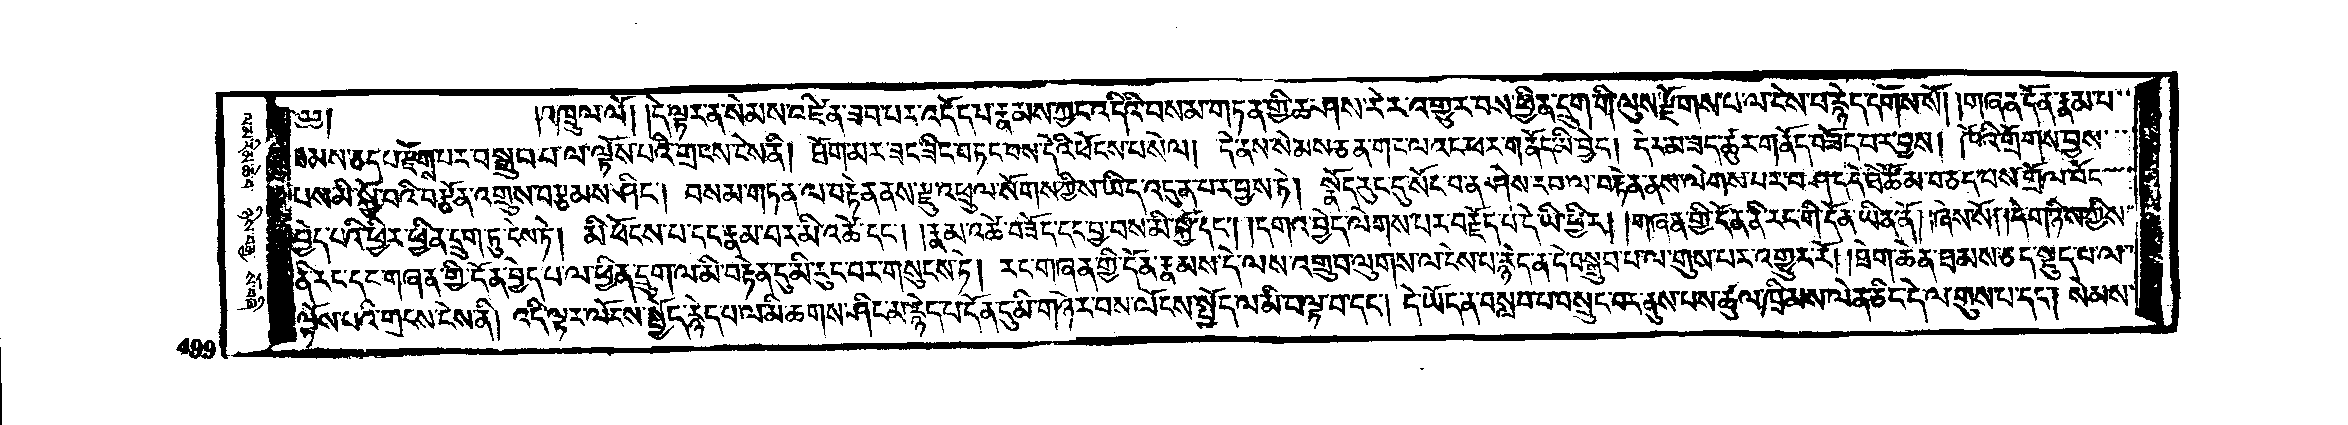༄༅། །འཁྲུལ་ལོ། །དེ་ལྟར་ན་སེམས་འཛིན་ཟབ་པར་འདོད་པ་རྣམས་ཀྱང་འདིའི་བསམ་གཏན་གྱི་ཆ་ཤས་རེར་འགྱུར་བས་ཕྱིན་དྲུག་གི་ལུས་རྫོགས་པ་ལ་ངེས་པ་རྙེད་དགོས་སོ། །གཞན་དོན་རྣམ་པ་
ཐམས་ཅད་པ་རྫོགས་པར་བསྒྲུབ་པ་ལ་ལྟོས་པའི་གྲངས་ངེས་ནི། ཐོག་མར་ཟང་ཟིང་བཏང་བས་དེའི་ཕོངས་པ་སེལ། དེ་ནས་སེམས་ཅན་གང་ལའང་ཕར་གནོད་མི་བྱེད། དེར་མ་ཟད་ཚུར་གནོད་བཟོད་པར་བྱས། ཁོའི་གྲོགས་བྱས་
པས་མི་སྐྱོ་བའི་བརྩོན་འགྲུས་བརྩམས་ཤིང་། བསམ་གཏན་ལ་བརྟེན་ནས་རྫུ་འཕྲུལ་སོགས་ཀྱིས་ཡིད་འདུན་པར་བྱས་ཏེ། སྣོད་རུང་དུ་སོང་བ་ན་ཤེས་རབ་ལ་བརྟེན་ནས་ལེགས་པར་བཤད་དེ་ཐེ་ཚོམ་བཅད་པས་གྲོལ་བར་
བྱེད་པའི་ཕྱིར་ཕྱིན་དྲུག་ཏུ་ངེས་ཏེ། མི་ཕོངས་པ་དང་རྣམ་པར་མི་འཚེ་དང་། །རྣམ་འཚེ་བཟོད་དང་བྱ་བས་མི་སྐྱོ་དང་། །དགའ་བྱེད་ལེགས་པར་བརྗོད་པ་དེ་ཡི་ཕྱིར། །གཞན་གྱི་དོན་ནི་རང་གི་དོན་ཡིན་ནོ། །ཞེས་སོ། །དེ་གཉིས་ཀྱིས་
ནི་རང་དང་གཞན་གྱི་དོན་བྱེད་པ་ལ་ཕྱིན་དྲུག་ལ་མི་བརྟེན་དུ་མི་རུང་བར་གསུངས་ཏེ། རང་གཞན་གྱི་དོན་རྣམས་དེ་ལས་འགྲུབ་ལུགས་ལ་ངེས་པ་རྙེད་ན་དེ་བསྒྲུབ་པ་ལ་གུས་པར་འགྱུར་རོ། །ཐེག་ཆེན་ཐམས་ཅད་སྡུད་པ་ལ་
ལྟོས་པའི་གྲངས་ངེས་ནི། འདི་ལྟར་ལོངས་སྤྱོད་རྙེད་པ་ལ་མི་ཆགས་ཤིང་མ་རྙེད་པ་དོན་དུ་མི་གཉེར་བས་ལོངས་སྤྱོད་ལ་མི་བལྟ་བ་དང་། དེ་ཡོད་ན་བསླབ་པ་བསྲུང་བར་ནུས་པས་ཚུལ་ཁྲིམས་ལེན་ཅིང་དེ་ལ་གུས་པ་དང་། སེམས་